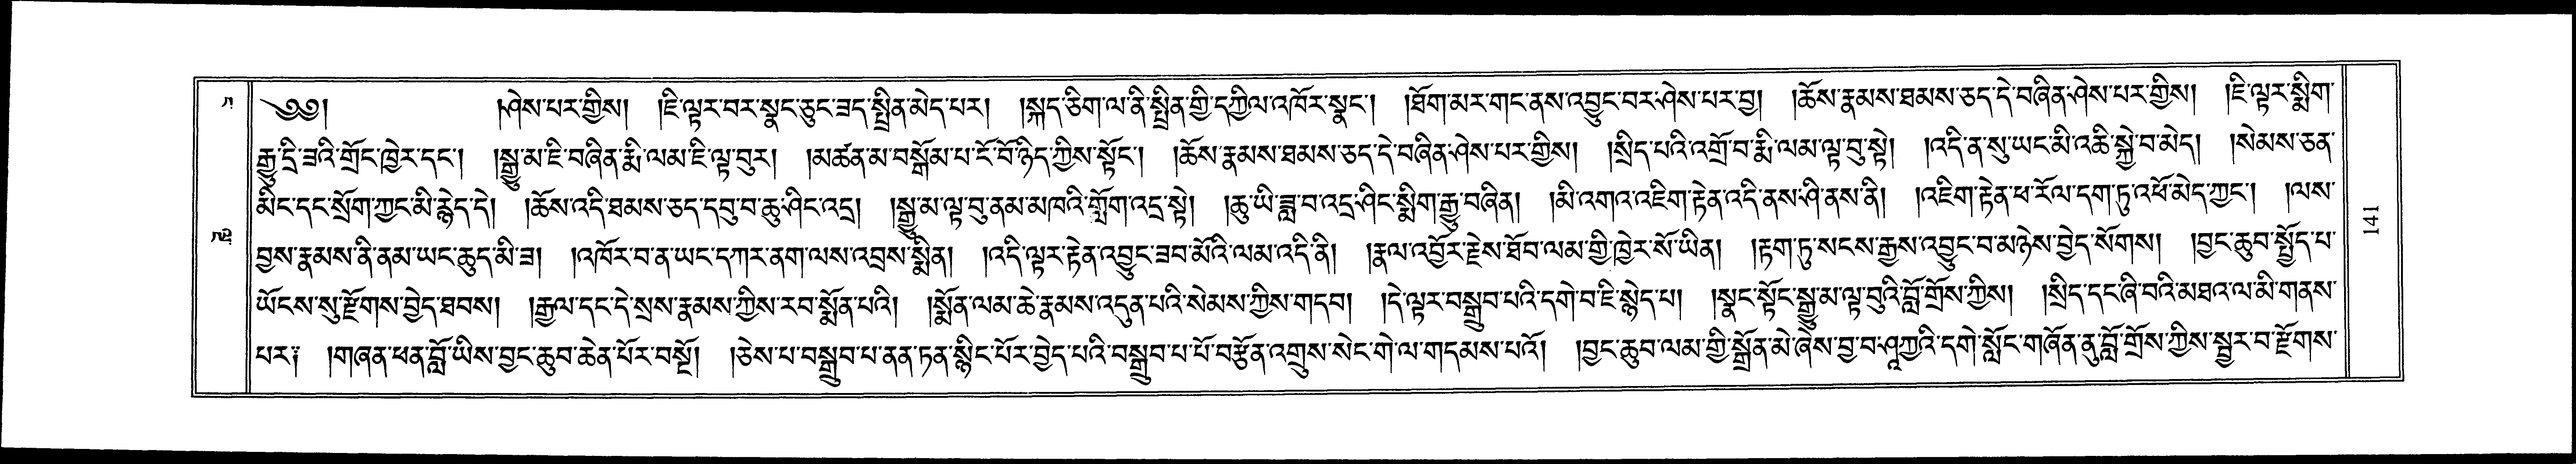༄༅། །ཤེས་པར་གྱིས། །ཇི་ལྟར་བར་སྣང་ཅུང་ཟད་སྤྲིན་མེད་པར། །སྐད་ཅིག་ལ་ནི་སྤྲིན་གྱི་དཀྱིལ་འཁོར་སྣང་། །ཐོག་མར་གང་ནས་འབྱུང་བར་ཤེས་པར་བྱ། །ཆོས་རྣམས་ཐམས་ཅད་དེ་བཞིན་ཤེས་པར་གྱིས། །ཇི་ལྟར་སྨིག་
རྒྱུ་དྲི་ཟའི་གྲོང་ཁྱེར་དང་། །སྒྱུ་མ་ཇི་བཞིན་རྨི་ལམ་ཇི་ལྟ་བུར། །མཚན་མ་བསྒོམ་པར་ངོ་བོ་ཉིད་ཀྱིས་སྟོང་། །ཆོས་རྣམས་ཐམས་ཅད་དེ་བཞིན་ཤེས་པར་གྱིས། །སྲིད་པའི་འགྲོ་བ་རྨི་ལམ་ལྟ་བུ་སྟེ། །འདི་ན་སུ་ཡང་མི་འཆི་སྐྱེ་བ་མེད། །སེམས་ཅན་
མིང་དང་སྲོག་ཀྱང་མི་རྙེད་དེ། །ཆོས་འདི་ཐམས་ཅད་དབུ་བ་ཆུ་ཤིང་འདྲ། །སྒྱུ་མ་ལྟ་བུ་ནམ་མཁའི་གློག་འདྲ་སྟེ། །ཆུ་ཡི་ཟླ་བ་འདྲ་ཤིང་སྨིག་རྒྱུ་བཞིན། །མི་འགའ་འཇིག་རྟེན་འདི་ནས་ཤི་ནས་ནི། །འཇིག་རྟེན་ཕ་རོལ་དག་ཏུ་འཕོ་མེད་ཀྱང་། །ལས་
བྱས་རྣམས་ནི་ནམ་ཡང་ཆུད་མི་ཟ། །འཁོར་བ་ན་ཡང་དཀར་ནག་ལས་འབྲས་སྨིན། །འདི་ལྟར་རྟེན་འབྱུང་ཟབ་མོའི་ལམ་འདི་ནི། །རྣལ་འབྱོར་རྗེས་ཐོབ་ལམ་གྱི་ཁྱེར་སོ་ཡིན། །རྟག་ཏུ་སངས་རྒྱས་འབྱུང་བ་མཉེས་བྱེད་སོགས། །བྱང་ཆུབ་སྤྱོད་པ་
ཡོངས་སུ་རྫོགས་བྱེད་ཐབས། །རྒྱལ་དང་དེ་སྲས་རྣམས་ཀྱིས་རབ་སྨོན་པའི། །སྨོན་ལམ་ཆེ་རྣམས་འདུན་པའི་སེམས་ཀྱིས་གདབ། །དེ་ལྟར་བསྒྲུབ་པའི་དགེ་བ་ཇི་སྙེད་པ། །སྣང་སྟོང་སྒྱུ་མ་ལྟ་བུའི་བློ་གྲོས་ཀྱིས། །སྲིད་དང་ཞི་བའི་མཐའ་ལ་མི་གནས་
པར། །གཞན་ཕན་བློ་ཡིས་བྱང་ཆུབ་ཆེན་པོར་བསྔོ། །ཅེས་པ་བསྒྲུབ་པ་ནན་ཏན་སྙིང་པོར་བྱེད་པའི་བསྒྲུབ་པ་པོ་བརྩོན་འགྲུས་སེང་གེ་ལ་གདམས་པའོ། །བྱང་ཆུབ་ལམ་གྱི་སྒྲོན་མེ་ཞེས་བྱ་བ་ཤཱཀྱའི་དགེ་སློང་གཞོན་ནུ་བློ་གྲོས་ཀྱིས་སྦྱར་བ་རྫོགས་